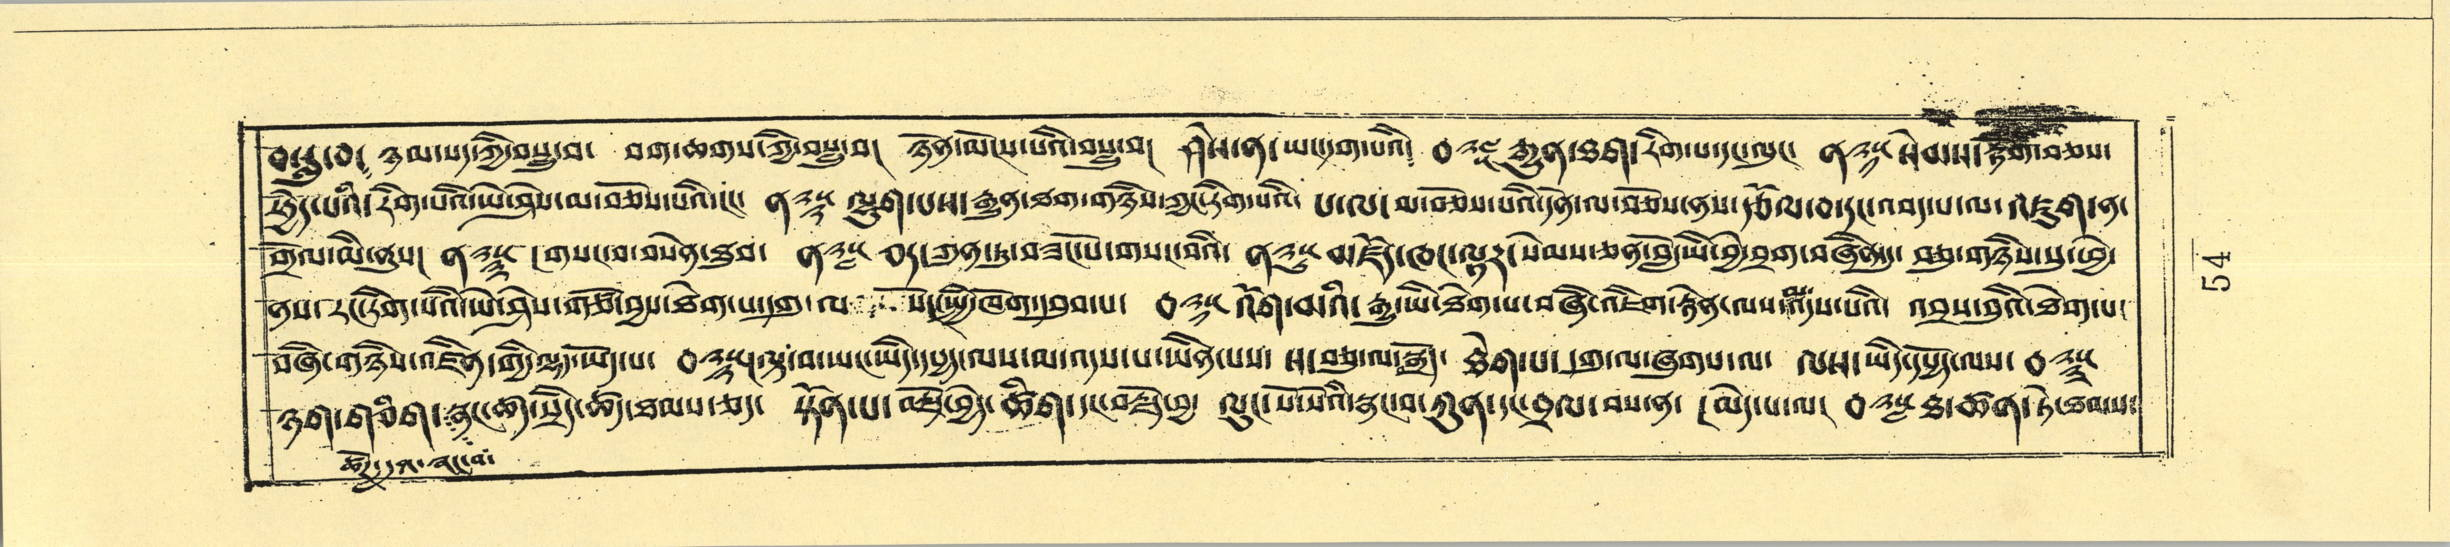༼བསླུ་བ༽ཉམས་སད་ཀྱིས་བསླུ་བ། བག་ཆགས་ཀྱིས་བསླུ་བ། ཉོན་མོངས་པའི་བསླུ་བ་༼ཤཻས་ན༽ཡང་དག་པའི་བ༢༤།༥༼རྒྱུན་ཐག༽རིག་པ་དང་ལུང་ན༢༥།༡༼སེམས༽རྟོག་བཅས་ 
༼ཕྱེད་པའི༽རིག་པའི་ཡེ་ཤེས་མ་བཅོས་པའི་ངང་ན༢༥།༢༼ལྷུག་པས༽རྒྱུན་ཐག་གཉིས་ཀྱང་རིག་པའི་༼པ་ལ༽ མ་བཅོས་པའི་དོན་ལ་བཅོས་ནས་༼རྩོལ་བ་དང་༽འབད་པ་ལ་༼འཇུག༽ན་
གྲོལ་མི་ནུས། ན༢༥།༣ གསང་བ་བསེན་ཐུབ་ན༢༥།༤༼ཅད༽ཀུན་ཏུ་བཟང་པོ་གསང་བའི་ན༢༥།༦༼མཛོད་ཁང་ལྟར༽སེམས་ཅན་བློ་ཡི་བྱེ་བྲག་བཞིན་དུ་བཅུ་གཉིས་སུ་ཕྱེ་
ནས་རང་རིག་པའི་ཡེ་ཤེས་གཙོ་བྱས་ཐེག་པ་དགུ་ལ་སོགས་སྤྱི་ཁོག་དབུབས་པ་བ༢༥།༡༼འོག་མའི༽རྒྱུའི་ཐེག་པ་བཞི་འཇིག་རྟེན་ལས་མ་འདས་པའི་འབྲས་བུའི་ཐེག་པ་
བཞི་གཉིས་འཛིན་གྱི་ལྷད་ཡོད་པ་བ༢༥།༢ ལྟ་བ་ཡང་ཡིད་དཔྱོད་ལས་མ་འདས་པ་ཡིན་པས་༼ས༽བཅུ་ལ་བསྒྲོད་ ༼ཐེག་པ༽དགུ་ལ་ཞུགས་ལ་༼ལས༽ཡིད་དཔྱོད་ལས་བ༢༥།༣ 
༼ཉག་གཅིག༽ཚོགས་དྲུག་སྣང་བ་སྣང་ཚད་སྲིད་ཚད་ཐམས་ཅད་༼སྟོན་པ༽རྗོད་བྱེད་༼ཚིག༽དང་བརྗོད་བྱ་༼ལུང༽སོ་སོའི་སྣང་བ་༼ཀུན༽དང་༼བྲལ༽བས་ན། མེད་པ་ལ་བ༢༥།༤༼ཐ་ཚན༽ཏེ་ཐམས་